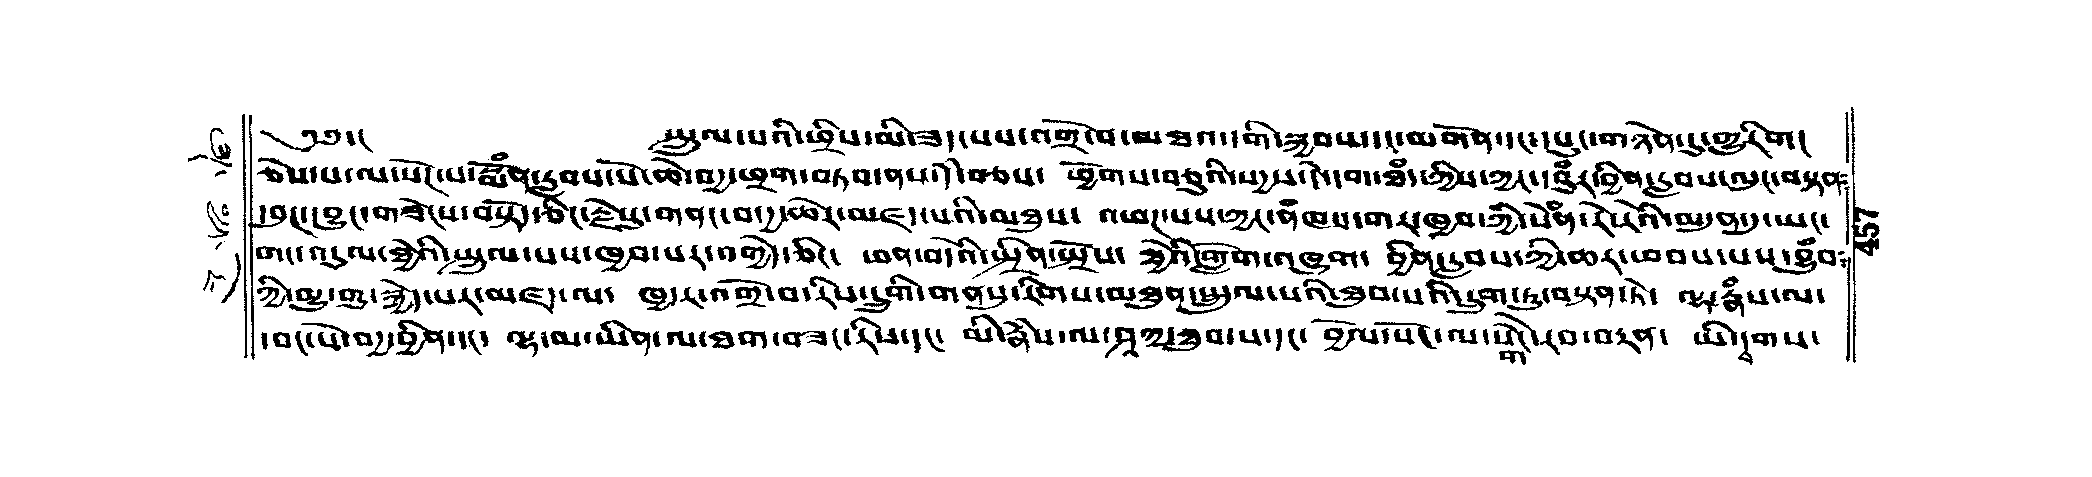སྤྲུལ་པའི་ཕྲིན་ལས་མི་ཟད་པས་འགྲོ་བ་མཐའ་དག་གི་སྐྱབས་དང་ལམགོན་དང་དཔུང་གཉེན་དུ་གྱུར་ཅིག་
ཅེས་པ་ལ་སོགས་པ་སྨོན་ལམ་རླབས་པོ་ཆེ་བརྒྱ་ཕྲག་བཏབ་ནས་དམ་བཅས། ཕྱོགས་བཅུའིསངས་རྒྱས་དེ་དག་ཐམས་ཅད་ཀྱིས་ཀྱང་དབང་བསྐུར་བྱིན་རླབས་ལུང་བསྟན་
དབུགས་དབྱུང་གཟེངས་བསྟོད་ཅིང་རྗེས་སུ་གནང་བ་རྒྱ་ཆེར་མཛད་པའི་མཐུས། འཕགས་པས་ཀྱང་ནམ་མཁའི་གར་ཁྱབ་ཀྱི་སེམས་ཅན་རེ་རེའིམདུན་དུ་ཡང་
གང་འདུལ་ཐུགས་རྗེའི་སྤྲུལ་པས་ཁྱབ་པར་འགྱེད་ཅིང་། ཕན་བདེའི་སྤྲིན་སྤྲོས། ཐུགས་རྗེའི་གློག་འཁྱུག་བྱིན་རླབས་ཀྱི་ཆར་ཕབས་པས་བྱང་ཆུབ་
ཀྱི་མྱུ་གུ་སྐྱེད་པར་མཛད་ལ། ཁྱད་པར་འགྲོ་བ་རིས་དྲུག་གི་གནས་སུ་རིགས་མཐུན་སྤྲུལ་པའི་ཐུབ་པའི་དྲུག་ཏུ་བསྟན་ཏེ། ལྷ་རྣམས་ལ་
དབང་པོ་བརྒྱ་བྱིན་དང་། ལྷ་མ་ཡིན་ལ་ཐགས་བཟང་རིས་དང་། མི་རྣམས་ལ་ཤཱ་ཀྱ་ཐུབ་པ་དང་། བྱོལ་དོང་ལ་སེངས་གེ་རབ་བརྟན། ཡི་དྭགས་